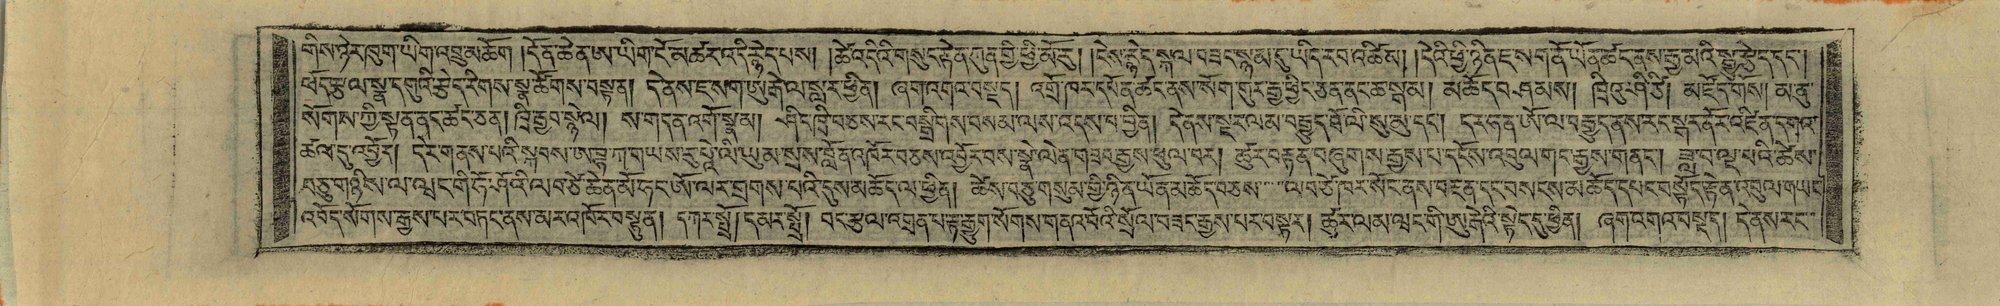གིས་ཉེར་ཁུག་ཡིག་འབྲུ་མཆོག །དོན་ཆེན་ཨ་ཡིག་ངོ་མཚར་འདི་རྙེད་པས། །ཚེ་འདིའི་གསུང་རྟེན་ཀུན་གྱི་ཕྱི་མོ་རུ། །ངེས་རྙེད་སྐལ་བཟང་སྙམ་དུ་ཡིད་རབ་འཚིམ། །དེའི་ཕྱི་ཉིན་ཇ་སག་ནོ་ཡོན་ཚང་ནས་རྒྱ་མའི་སྒྱུ་རྩེད་དང་།
ཕོད་རྩལ་སྣ་དགུའི་རྩེད་རིགས་སྣ་ཚོགས་བསྟན། དེ་ནས་ཇ་སག་ཨུ་རྒེལ་སླར་ཕྱིན། ཞག་འགའ་བསྡད། འགྲོ་ཁར་དཔོན་ཚང་ནས་སོག་གུར་རྒྱ་ཕྱིང་ཅན་ནང་ཆ་སྒམ། མཆོད་བཤམས། ཁྲིའུ་ཤི་ཙི། མཛོད་གོས། མ་ནུ་
སོགས་ཀྱི་སྟན་ནང་ཚང་ཅན། ཁྲི་རྒྱབ་སྙེལ། ས་གདན་འགོ་སྣམ། ཤིང་ཁྲི་བཅས་རང་བསྒྲིགས་བསམ་ལས་འདས་པ་བྱིན། དེ་ནས་སྔར་ལམ་བརྒྱུད་ཐོ་ལི་སུ་མུ་དང་། དར་ཧན་ཨོ་ལ་བརྒྱུད་ནས་རང་སྒར་ནོར་འཛིན་དགའ་
ཚལ་དུ་འབྱོར། དེར་གནས་པའི་སྐབས་ཨབྷ་ཀ་གཡས་རུ་པE་ལི་ཡུམ་སྲས་བློན་འཁོར་བཅས་འབྱོར་བས་སྣེ་ལེན་གཟབ་རྒྱས་ཕུལ་བར། ཚུར་བརྟན་བཞུགས་རྒྱས་པ་དངོས་འབུལ་གང་རྒྱས་གནང་། ཟླ་བ་ལྔ་པའི་ཚེས་
བཅུ་གཉིས་ལ་ཝང་གི་ཧོ་ཤོའི་ལབ་ཙེ་ཆེན་མོ་ཧང་ཨོ་ལར་གྲགས་པའི་དུས་མཆོད་ལ་ཕྱིན། ཚེས་བཅུ་གསུམ་གྱི་ཉིན་ཡོན་མཆོད་བཅས་ལབ་ཙེ་ཁར་སོང་ནས་བརྡན་དང་བསངས་མཆོད་དཔང་བསྟོད་རྟེན་འབུལ་གཡང་
འབོད་སོགས་རྒྱས་པར་བཏང་ནས་མར་འཁོར་བསྟུན། དཀར་སྤྲོ། དམར་སྤྲོ། བང་རྩལ་འགྲན་པ་རྟ་རྒྱུག་སོགས་གནའ་བོའི་སྲོལ་བཟང་རྒྱས་པར་བསྟར། ཚུར་ལམ་ཝང་གི་ཨུརྒེའི་སྟེང་དུ་ཕྱིན། ཞག་འགའ་བསྡད། དེ་ནས་རང་